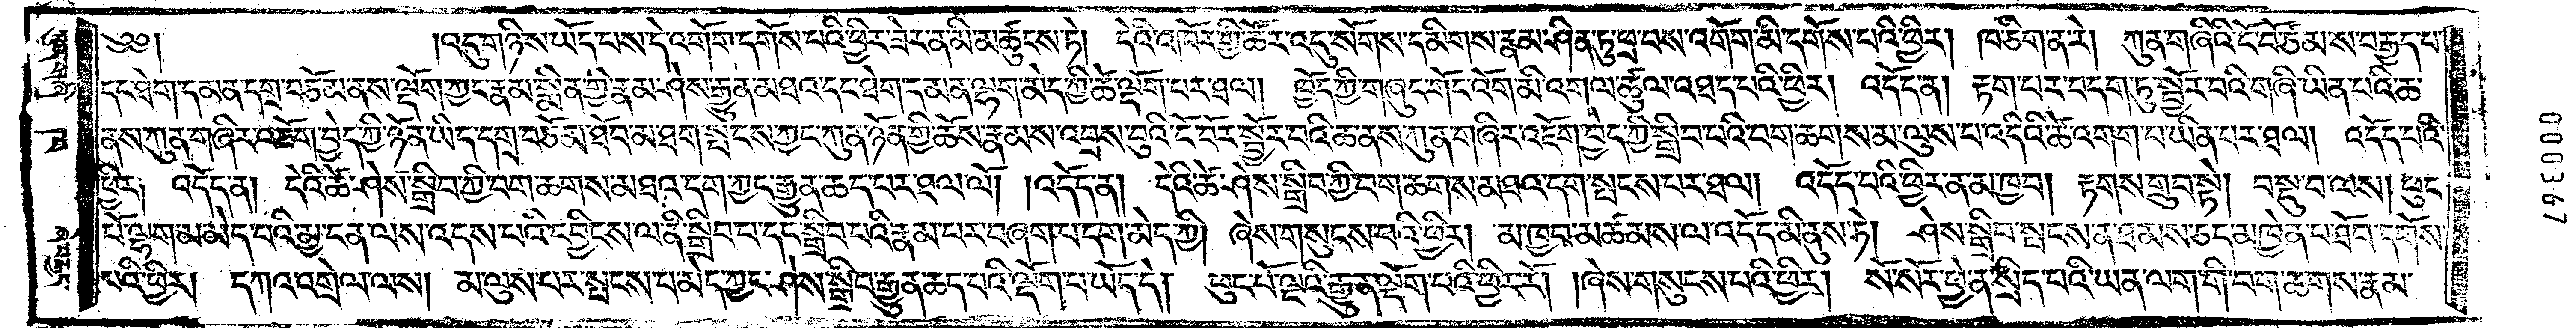༄༅། །འདུ་གཉིས་ཡོད་པས་དེ་འགོག་དགོས་པའི་ཕྱིར་ཟེར་ན་མི་མཚུངས་ཏེ། དེའི་འཁོར་གྱི་ཚོང་འདུ་སོགས་དམིགས་རྣམ་ཤིན་ཏུ་ཕྲ་བས་འགོག་མི་དགོས་པའི་ཕྱིར། ཁ་ཅིག་ན་རེ། ཀུན་གཞིའི་ངོ་བོ་ཙམ་ས་བརྒྱད་པ།
དང་ཐེག་དམན་དགྲ་བཅོམ་ནས་ལྡོག་ཀྱང་རྣམ་སྨིན་གྱི་རྣམ་ཤེས་རྒྱུན་མཐའ་དང་ཐེག་དམན་ལྷག་མེད་ཀྱི་ཚེ་ལྡོག་པར་ཐལ། ཁྱོད་ཀྱི་གཞུང་གོང་འོག་མི་འགལ་ཚུལ་འཐད་པའི་ཕྱིར། འདོད་ན། རྟག་པར་བདག་ཏུ་སྦྱོང་བའི་གཞི་ཡིན་པའི་ཆ་
ནས་ཀུན་གཞིར་འཇོག་བྱེད་ཀྱི་ཉོན་ཡིད་དགྲ་བཅོམ་ཐོབ་མ་ཐག་སྤངས་ཀྱང་ཀུན་ཉོན་གྱི་ཆོས་རྣམས་འབྲས་བུའི་ངོ་བོར་སྦྱོར་བའི་ཆ་ནས་ཀུན་གཞིར་འཇོག་བྱེད་ཀྱི་སྒྲིབ་པའི་བག་ཆགས་མ་ལུས་པ་འདིའི་ཚེ་འགག་པ་ཡིན་པར་ཐལ། འདོད་པའི་
ཕྱིར༑ འདོད་ན། དེའི་ཚེ་ཤེས་སྒྲིབ་ཀྱི་བག་ཆགས་མཐའ་དག་ཀྱང་རྒྱུན་ཆད་པར་ཐལ་ལོ། །འདོད་ན། དེའི་ཚེ་ཤེས་སྒྲིབ་ཀྱི་བག་ཆགས་མཐའ་དག་སྤངས་པར་ཐལ། འདོད་པའི་ཕྱིར་ན་མ་ཁྱབ། རྟགས་གྲུབ་སྟེ། བསྡུ་བ་ལས། ཕུང་
པོ་ལྷག་མ་མེད་པའི་མྱ་ངན་ལས་འདས་པའི་དབྱིངས་ལ་ནི་སྒྲིབ་པ་དང་སྒྲིབ་པའི་རྣམ་པར་བཞག་པ་དག་མེད་ཀྱི། ཞེས་གསུངས་པའི་ཕྱིར། མ་ཁྱབ་མཚམས་ལ་འདོད་མི་ནུས་ཏེ། ཤེས་སྒྲིབ་སྤངས་ན་ཐམས་ཅད་མཁྱེན་པ་ཐོབ་དགོས་
པའི་ཕྱིར། དཀའ་འགྲེལ་ལས། མ་ལུས་པར་སྤངས་པ་མེད་ཀྱང་ཤེས་སྒྲིབ་རྒྱུན་ཆད་པའི་ལྡོག་པ་ཡོད་དེ། ཕུང་པོ་ལྔའི་རྒྱུན་ལྡོག་པའི་ཕྱིར་རོ། །ཞེས་གསུངས་པའི་ཕྱིར། སོ་སོར་ཕྱེ་ན་སྲིད་པའི་ཡན་ལག་གི་བག་ཆགས་རྣམ་